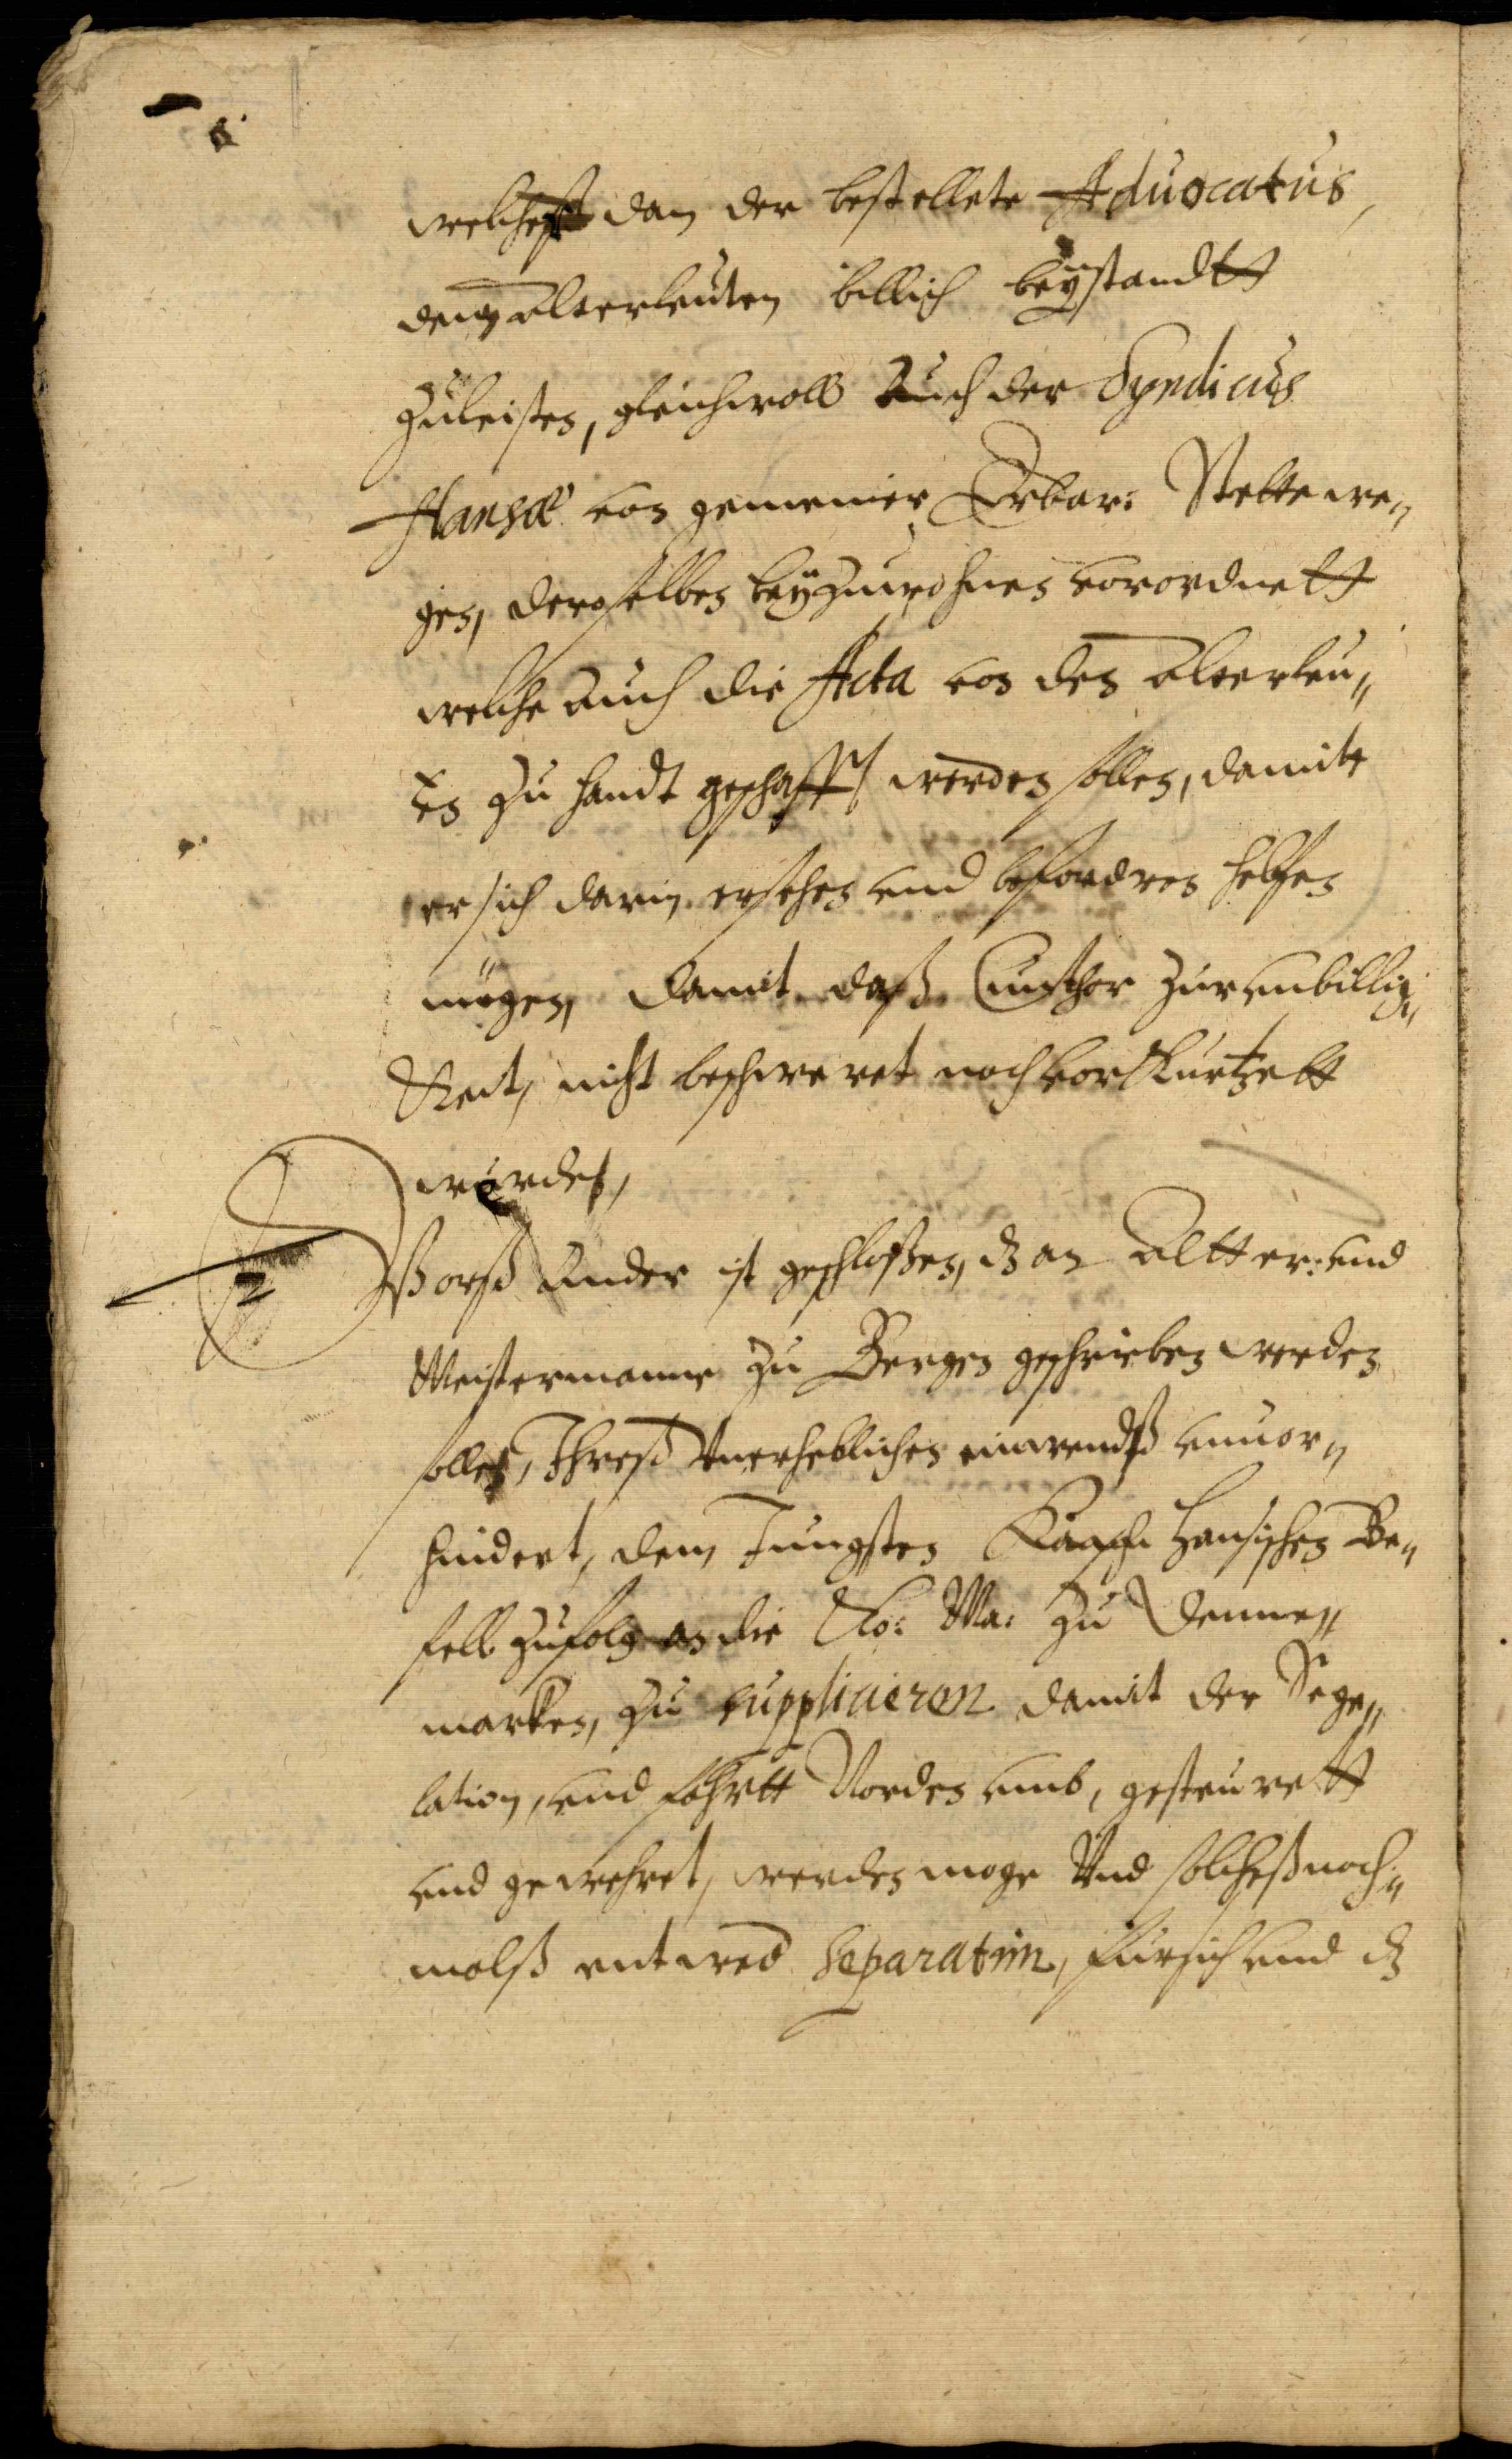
welcheß dan der bestellete Aduocatus,
denn Alterleuten billich beijstandtt
zuleisten, gleichwoll Auch der Syndicus
Hansae von gemeiner Erbar: Stette we¬
gen, deroselben beijzuwohnen vorordnett
welche Auch die Acta von den Alterleu¬
ten zu handt geschafft werden sollen, damitt
er sich darin ersehen vnd befordren helfen
mögen, damit daß Cunthor zur vnbillig¬
keit, nicht beschweret noch vorkurtzett
werdet,
2
Vorß Ander ist geschloßen, das an Altter:vnd
Meistermanne zu Bergen geschrieben werden
sollen, Ihreß Vnerheblichen einwendß vnuor¬
hindert, dem Jungsten Krafht Hansischen Be¬
fell zufolg an die Ko: Ma: zu Denne¬
marken, zu supplicieren damit der Sege¬
lation, vnd fahrtt Norden vmb, gesteurett
vnd gewehret, werden moge Vnd solcheß noch¬
malß entweder Separatim, fursich vnd das
